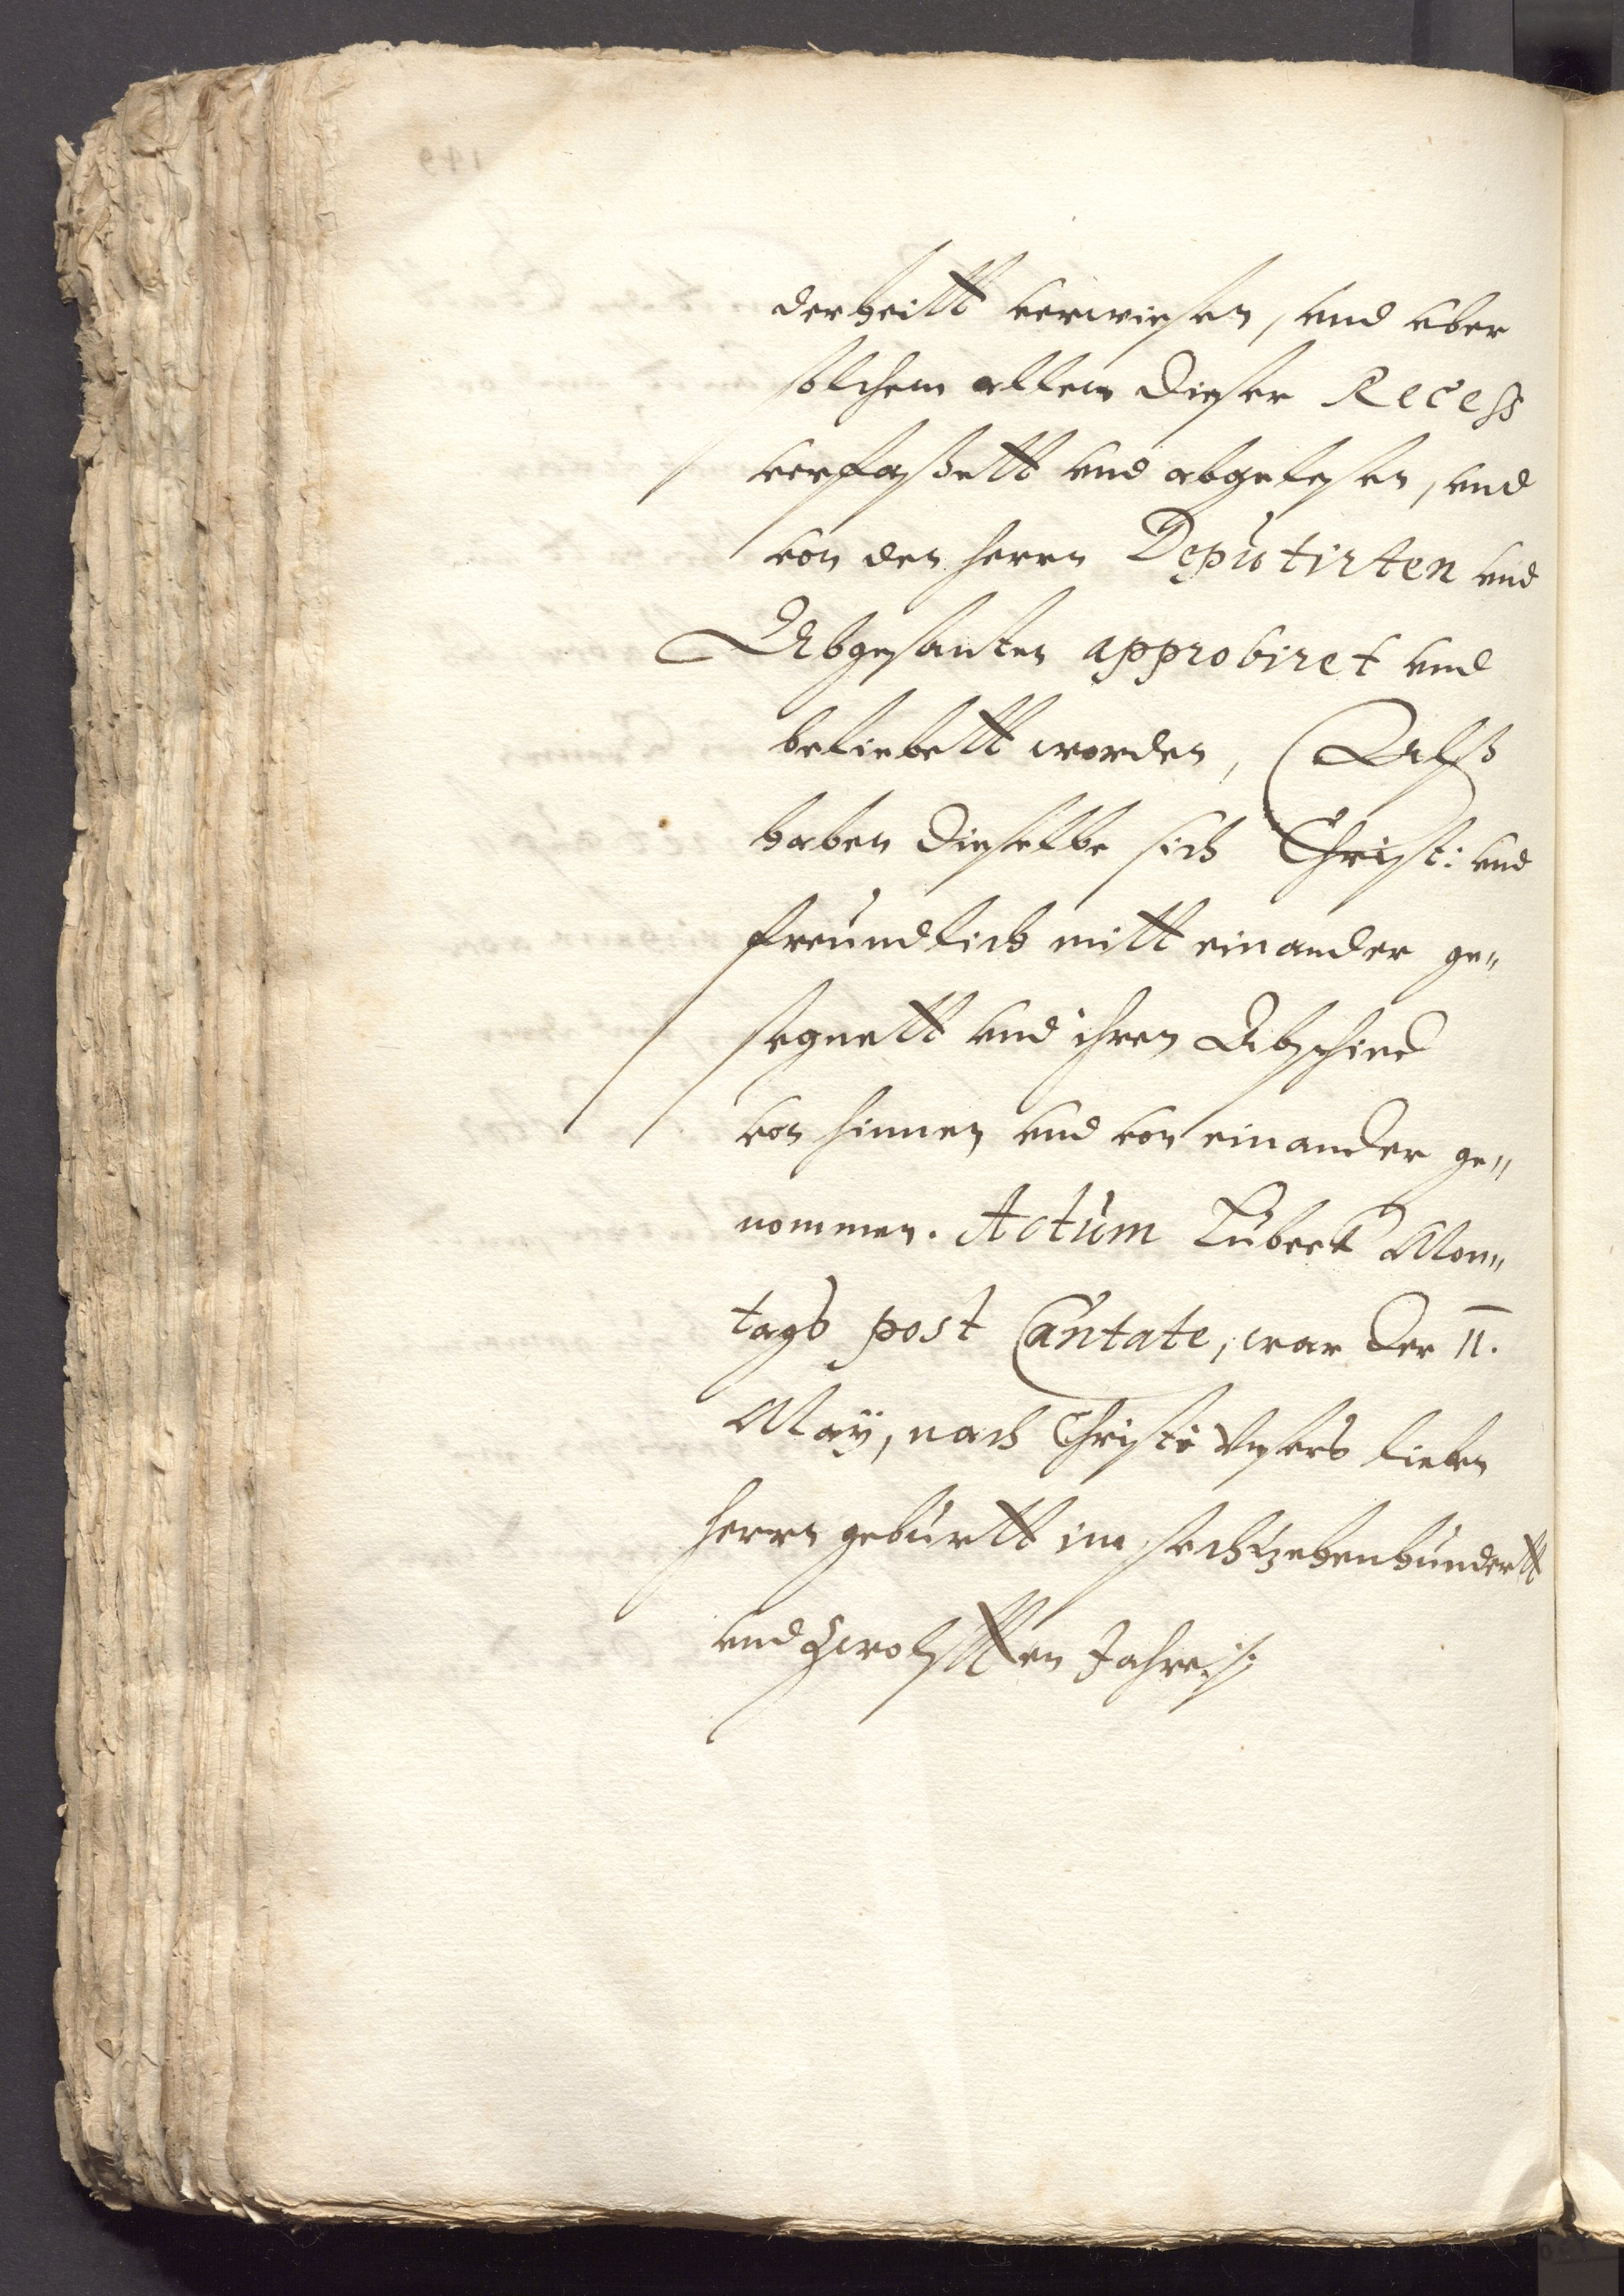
derheitt verwiesen, vnd vber
solchem allen dieser Recess
verfaßett vnd abgelesen, vnd
von den herrn Deputirten vnd
Abgesanten approbiret vnd
beliebett worden, Alß
haben dieselbe sich Christ: vnd
freundlich mitt einander ge¬
segnett vnd ihren Abschied
von hinnen vnd von einander ge¬
nommen, Actum Lubeck Mon¬
tags post Cantate, war der II.
Maij, nach Christi vnsers lieben
herrn geburtt im sechtzehenhundertt
vnd zwolftten Jahre ./.
